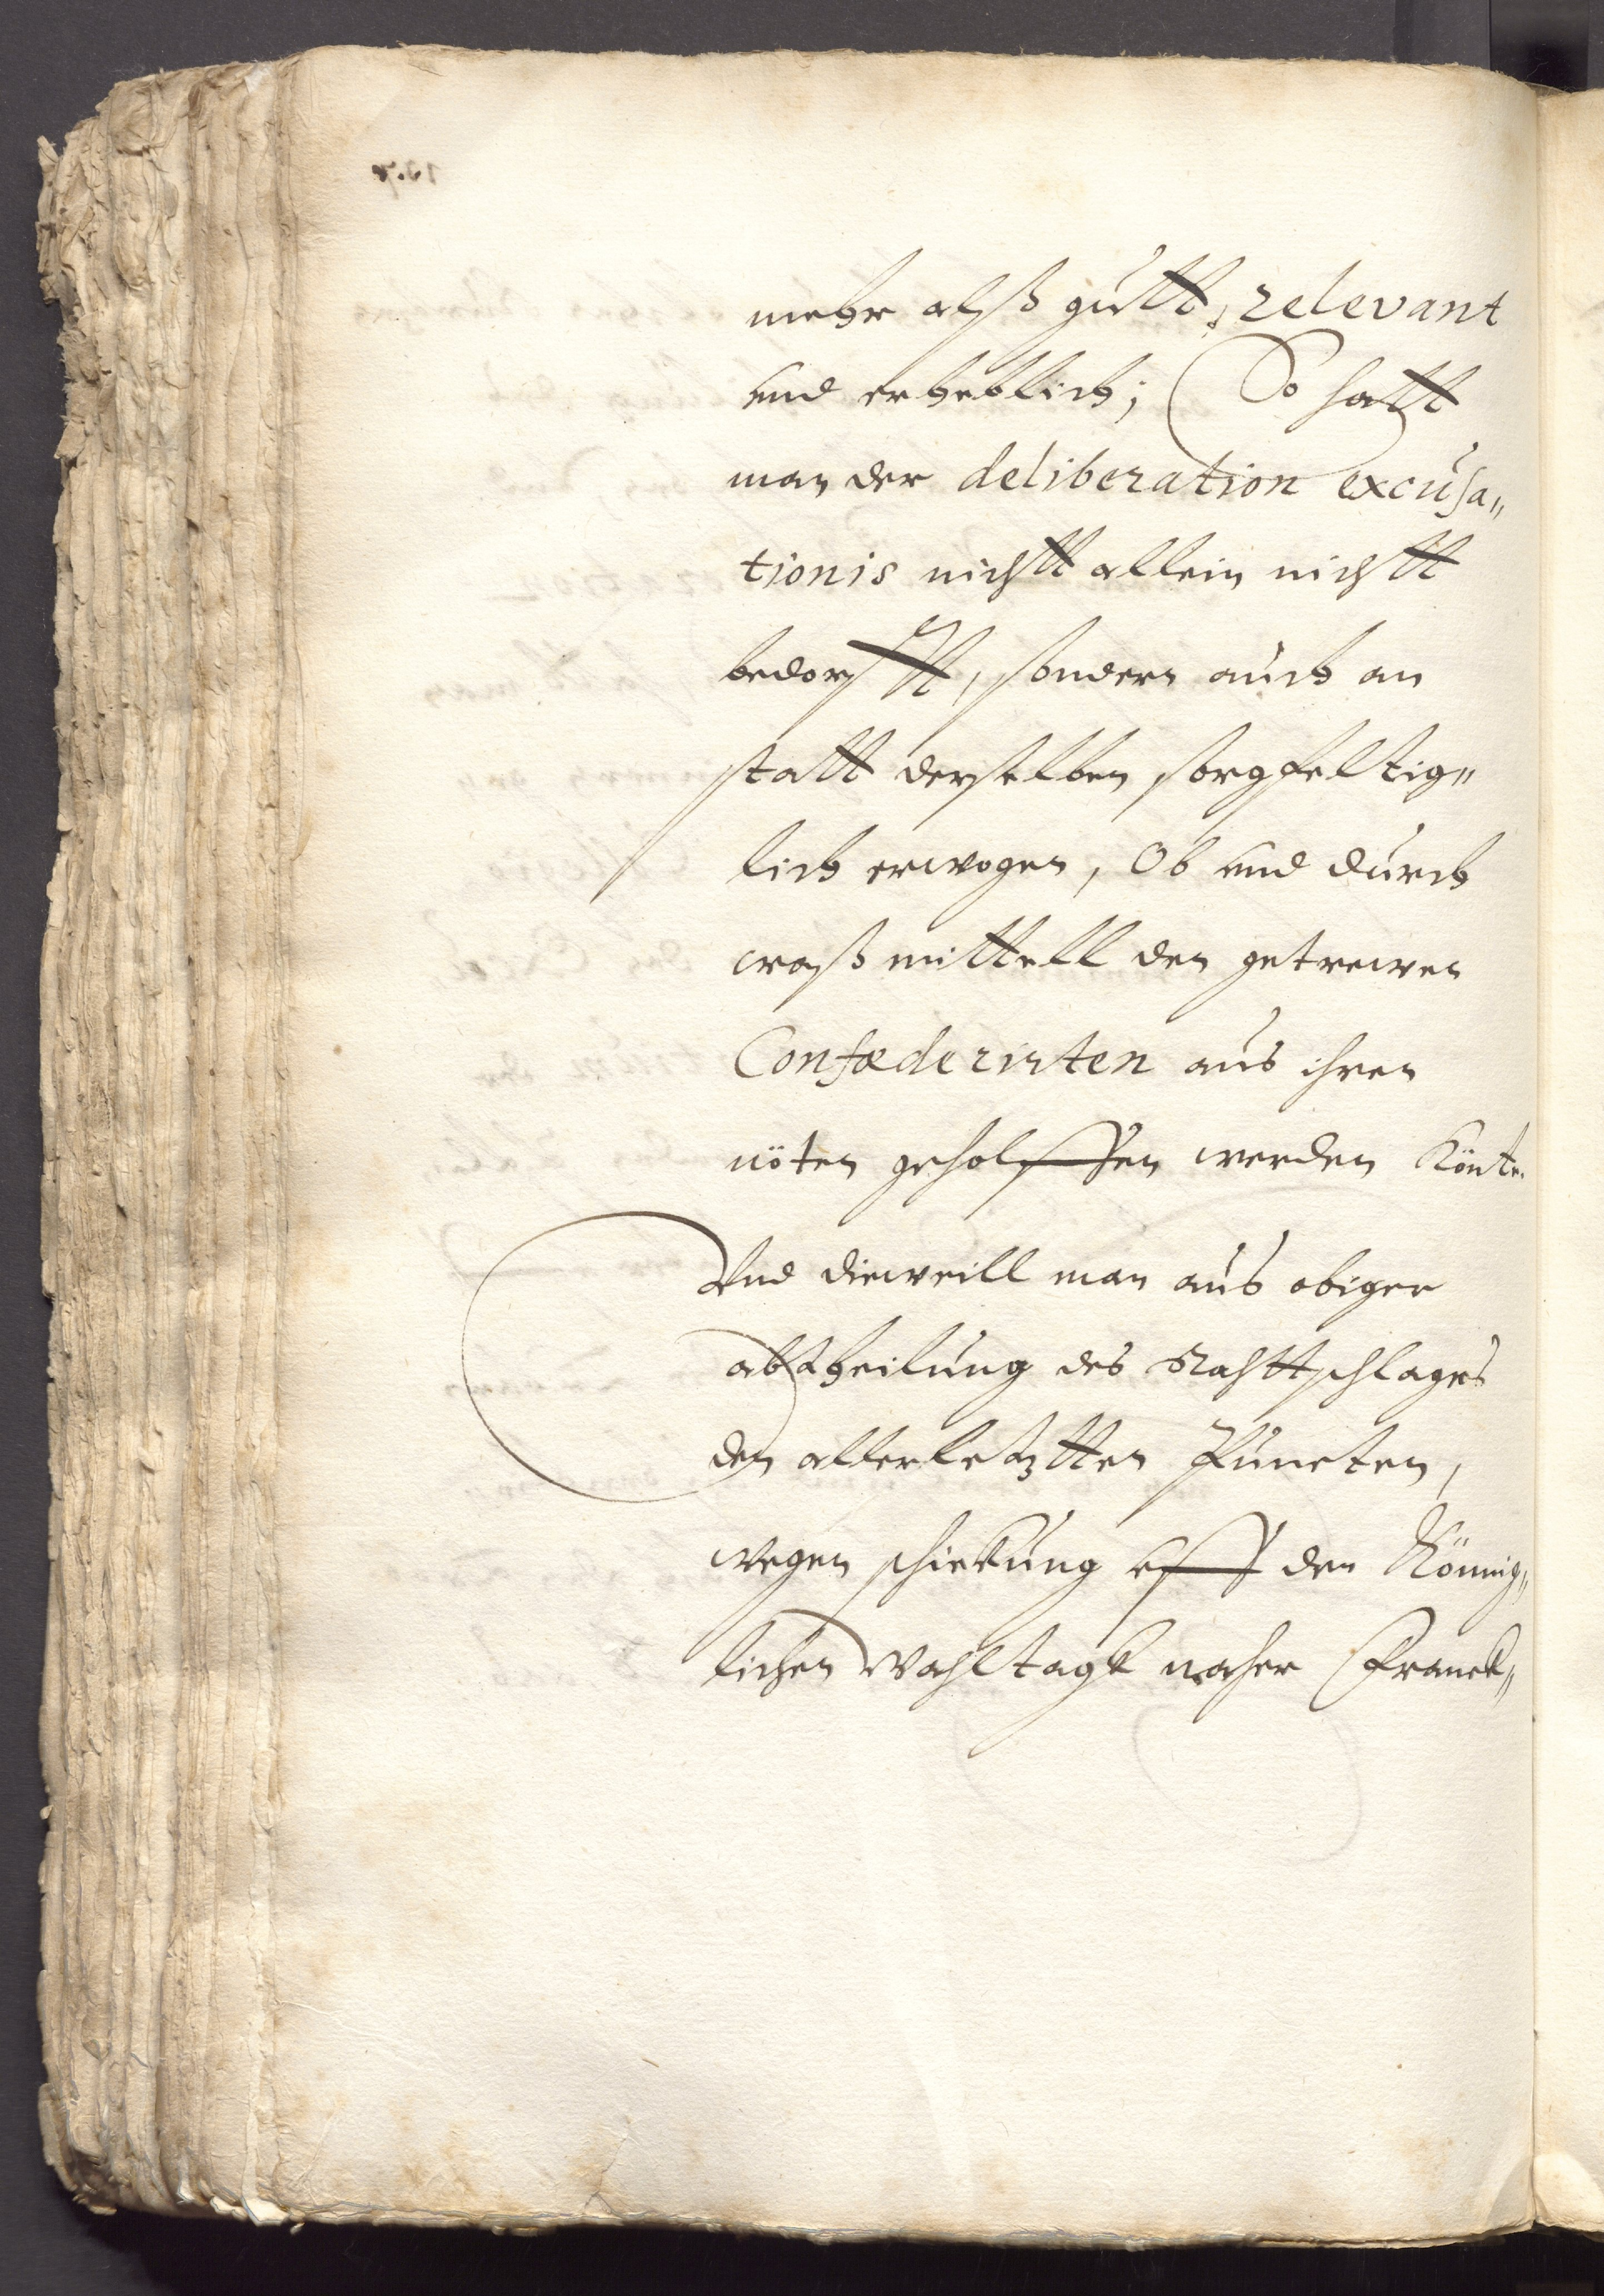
mehr alß gutt, relevant
vnd erheblich; So hatt
man der deliberation excusa¬
tionis nichtt allein nichtt
bedorftt, sondern auch an
statt derselben sorgfeltig¬
lich erwogen, ob vnd durch
waß mittell den getrewen
Confoederirten aus ihren
nöten geholffen werden könte.
Vnd dieweill man aus obiger
abtheilung des Rahttschlages
den allerletztten Puncten,
wegen schickung uff den Könnig¬
lichen Wahltagk naher Franck¬
